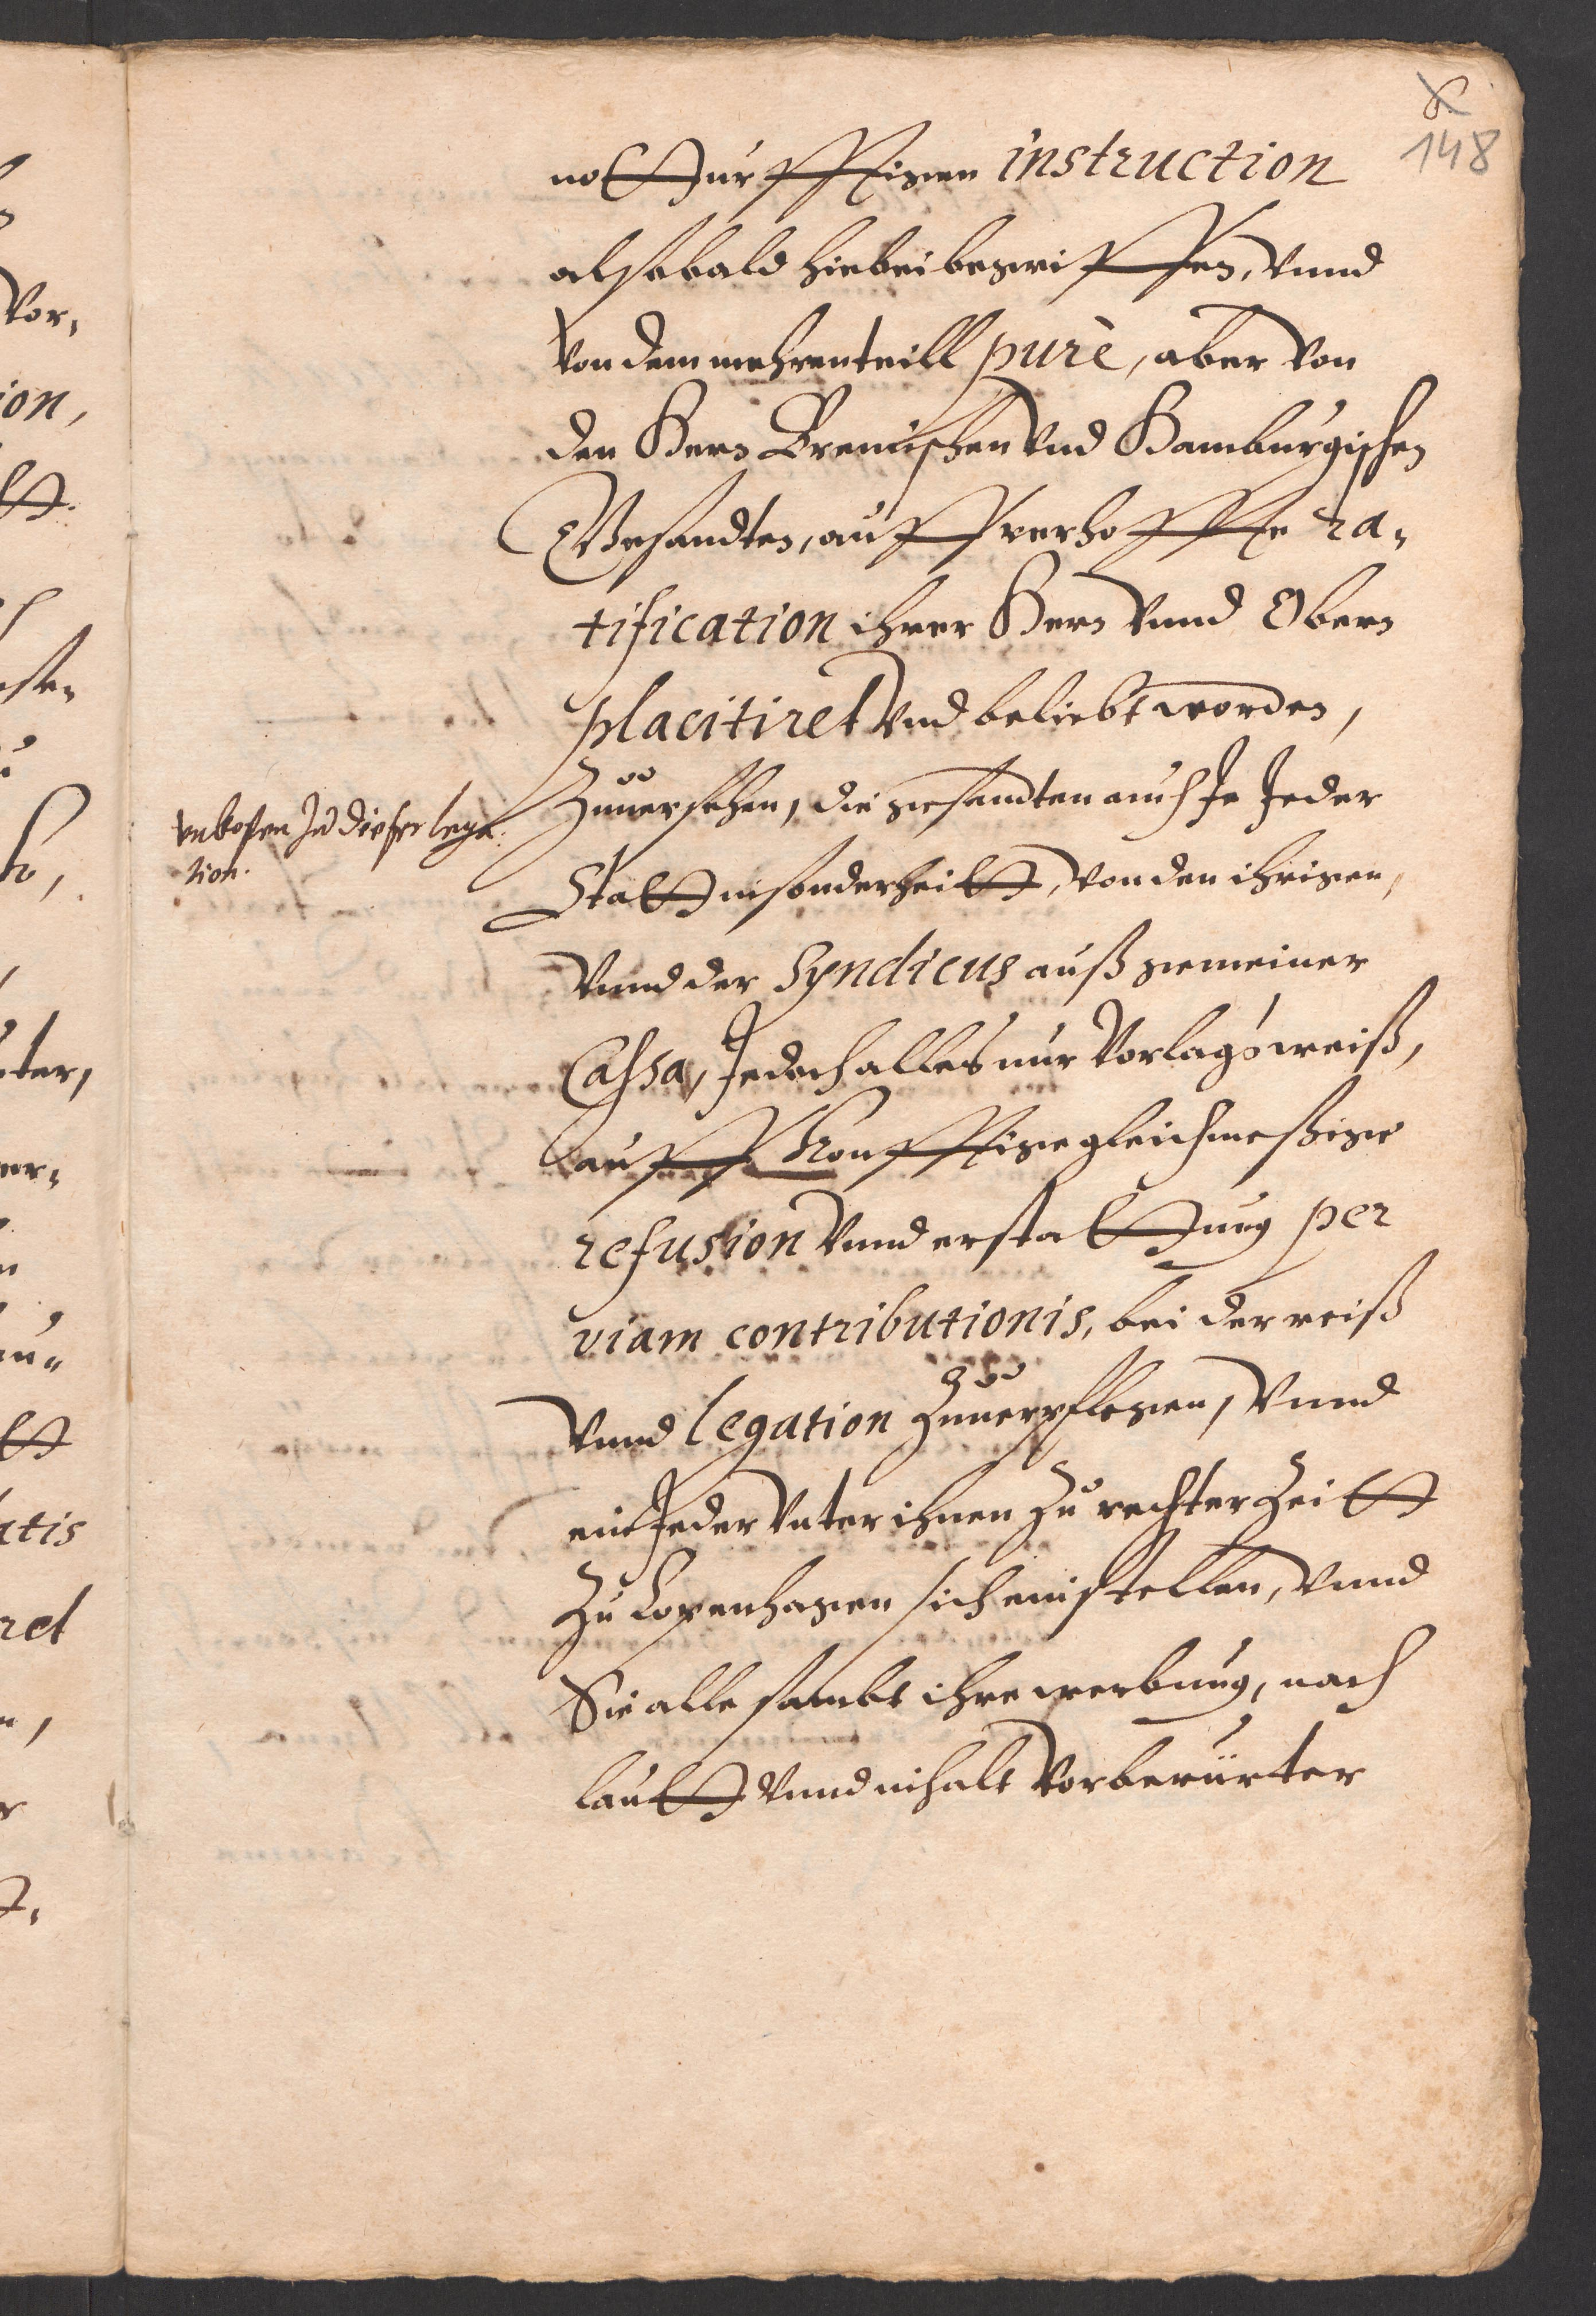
6.
notturfftigen instruction
alsebald hiebei begriffen, vnnd
von dem mehrenteill pure, aber von
den Hern Bremischen vnd Hamburgischen
Gesandten, auff verhoftte ra¬
tification ihren Hern vnnd Obern
placitiret vnd beliebt worden,
zuuersehen, die gesandten aus Je Jeder
Statt insonderheitt, von den ihrigen,
vnnd der Syndicus auß gemeiner
Cassa, Jedoch alles nur vorlagsweiß,
auff konfttige gleichmeßige
refusion vnnd erstattung per
viam contributionis, bei der reiß
vnnd legation zuuerpflegen, vnnd
ein Jeder vnter ihnen zu rechter zeitt
zu Copenhagen sich einstellen, vnnd
Sie alle sambt ihre werbung, nach
lautt vnnd inhalt vorberürter
vnkosten in dieser lega¬
tion.
